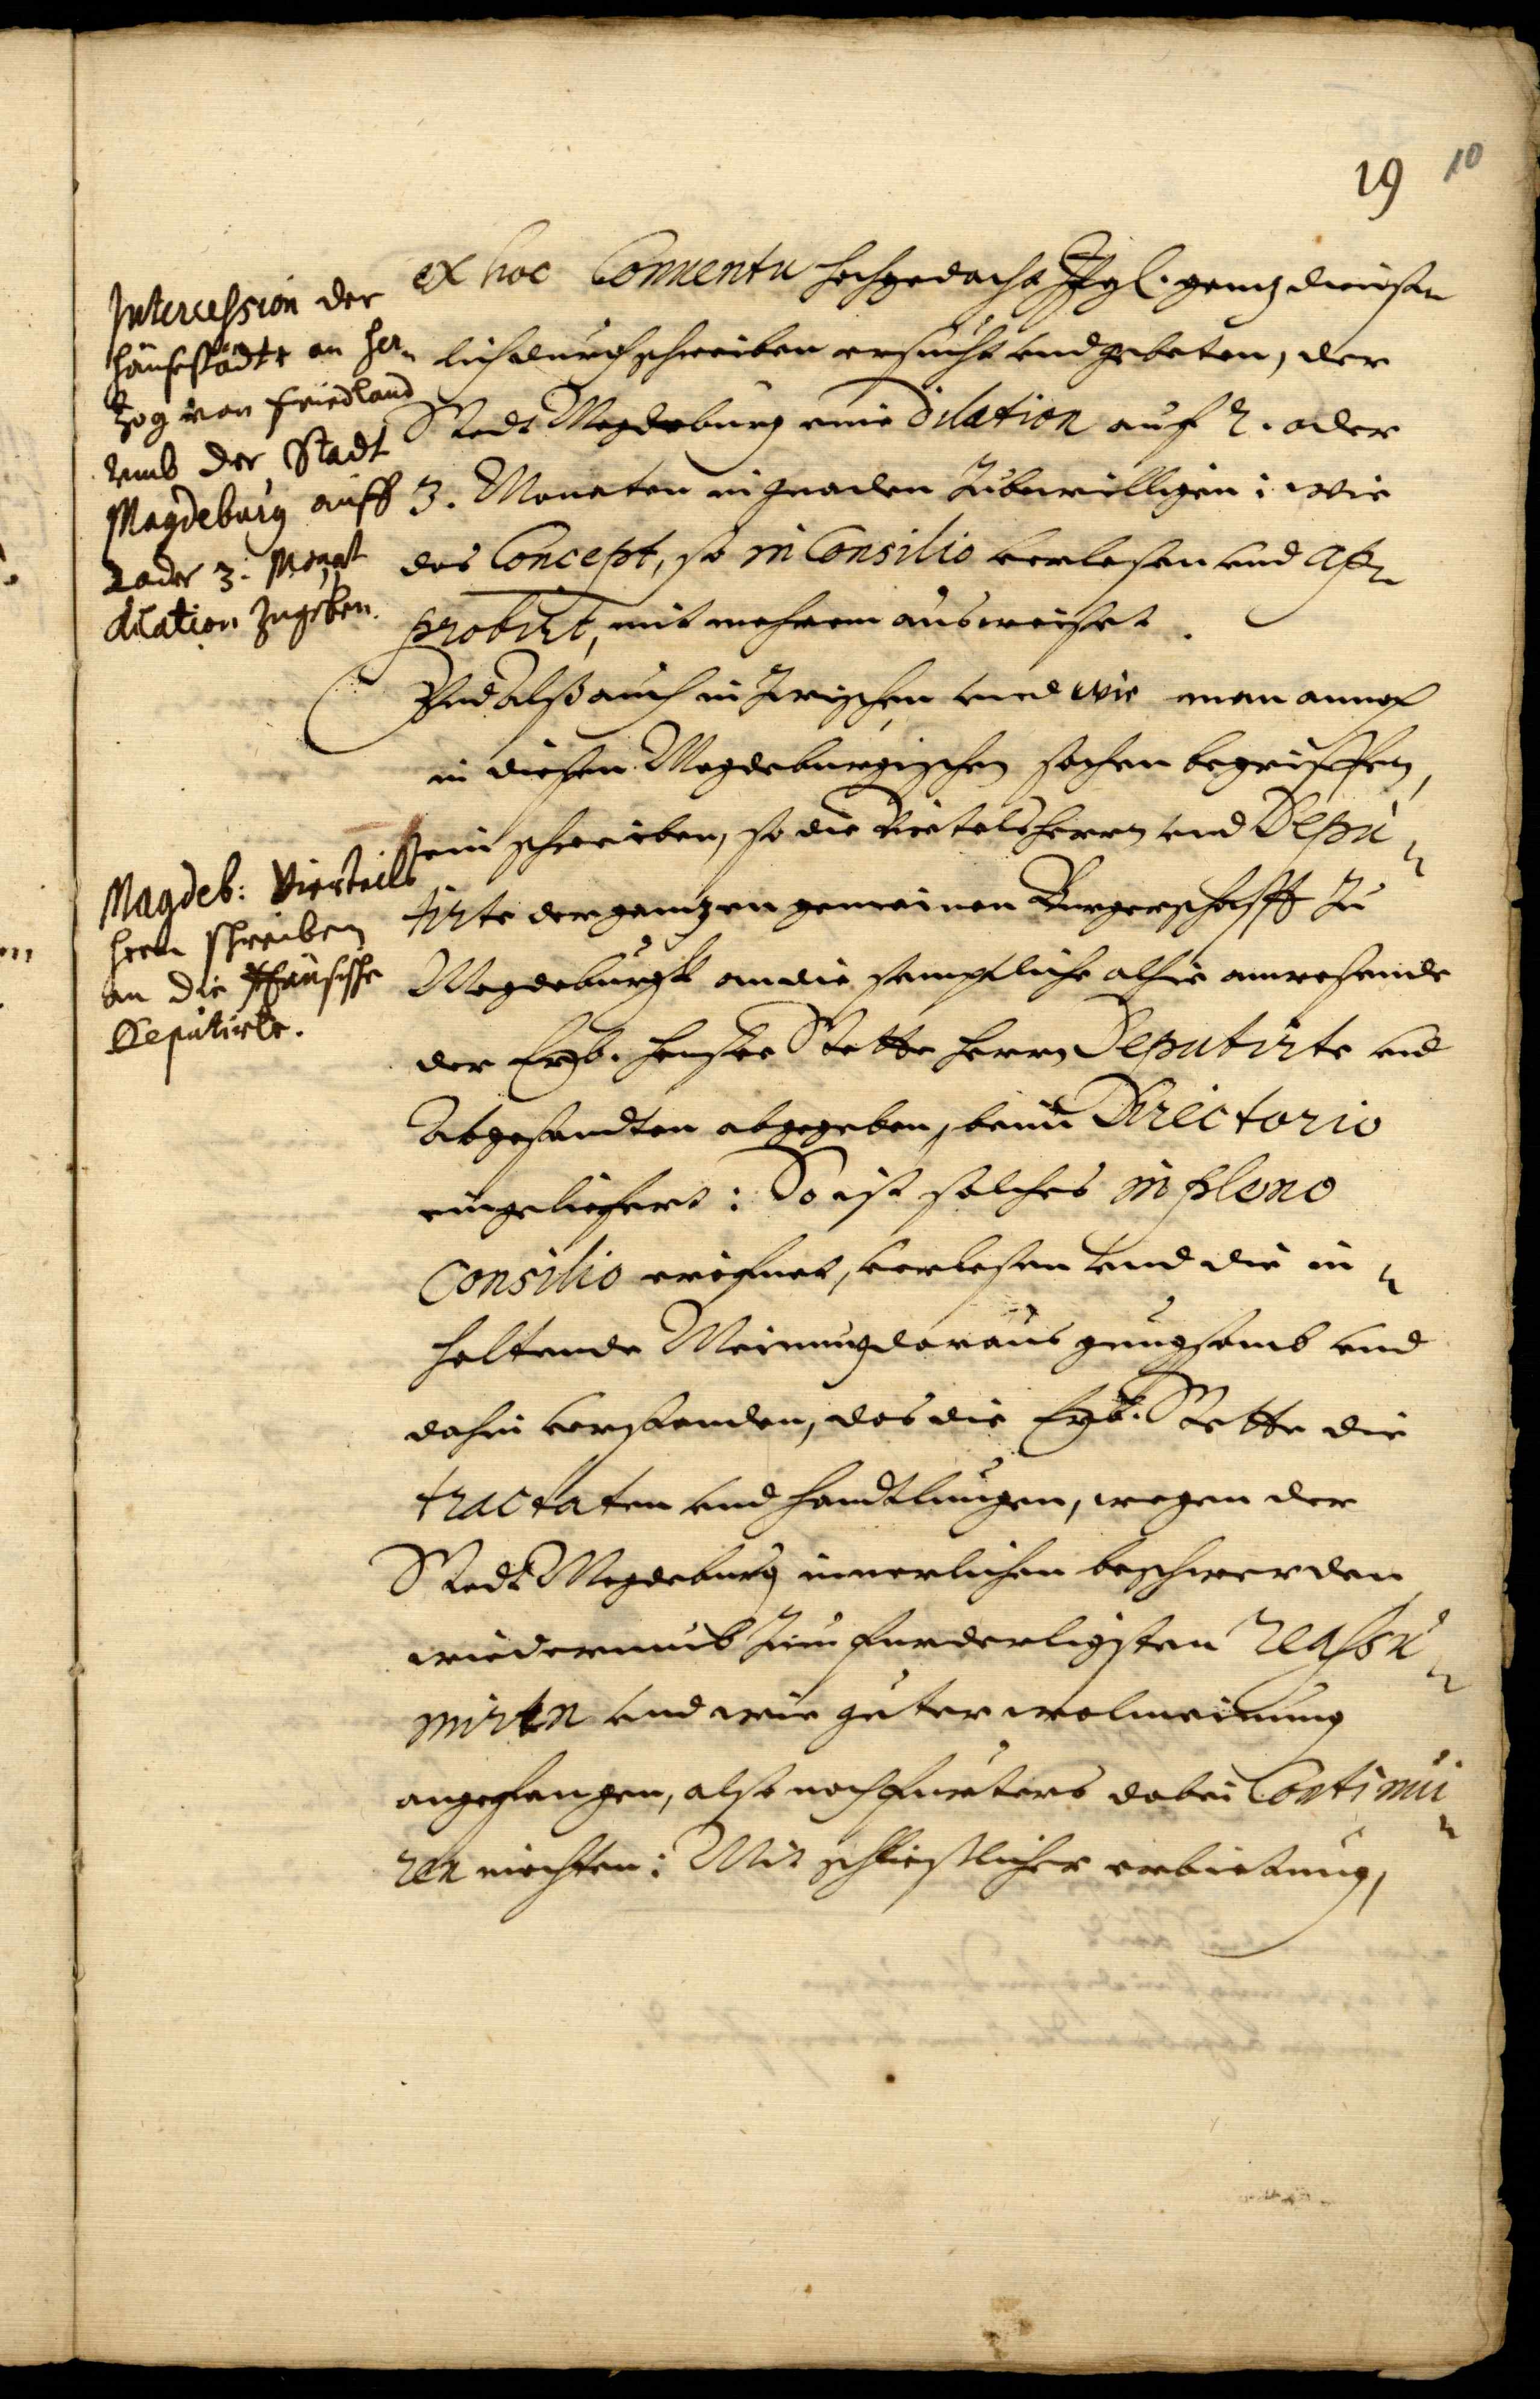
19
Intercession der
hänsestädte an her¬
zog van friedland
vmb der Stadt
Magdeburg auff
2 oder 3. Monat
dilation zugeben
Magdeb: Vierteils
hern schreiben
an die Händische
Deputirte
ex hoc Conventu hochgedacht Ifgl. gentz dienst¬
lich durch schreiben ersucht vnd gebeten, der
Stadt Magdeburg eine dilation auf 2. oder
3. Monaten in gnaden zu bewilligen: wie
das Concept, so in Consilio verlesen vnd ap¬
probirt, mit mehrem ausweiset.
Vnd Alß auch Inzwischen vnd wie man annoch
in dießen Magdeburgischen sachen begriffen,
ein schreiben, so die Vietels herrn vnd Depu¬
tirte der gantzen gemeinen Burgerschafft zu
Magdeburgk an die samptliche alhie anwesende
der Erb. Hansee Stette herrn Deputirte vnd
Abgesandten abgegeben, beim Directorio
eingeliefert: So ist solches in pleno
Consilio eröfnet, vorlesen vnd die in¬
haltende Meinung daraus gnugsamb vnd
dahin verstanden, das die Erb. Stette die
tractaten vnd handtlungen, wegen der
Stadt Magdeburg innerlichen beschwerden
wiederumb zum furderligsten reassu¬
miren vnd wie guter wolmeinung
angefangen, also noch furters dabei Continui¬
ren möchten: Mit schließlicher erbietung,
